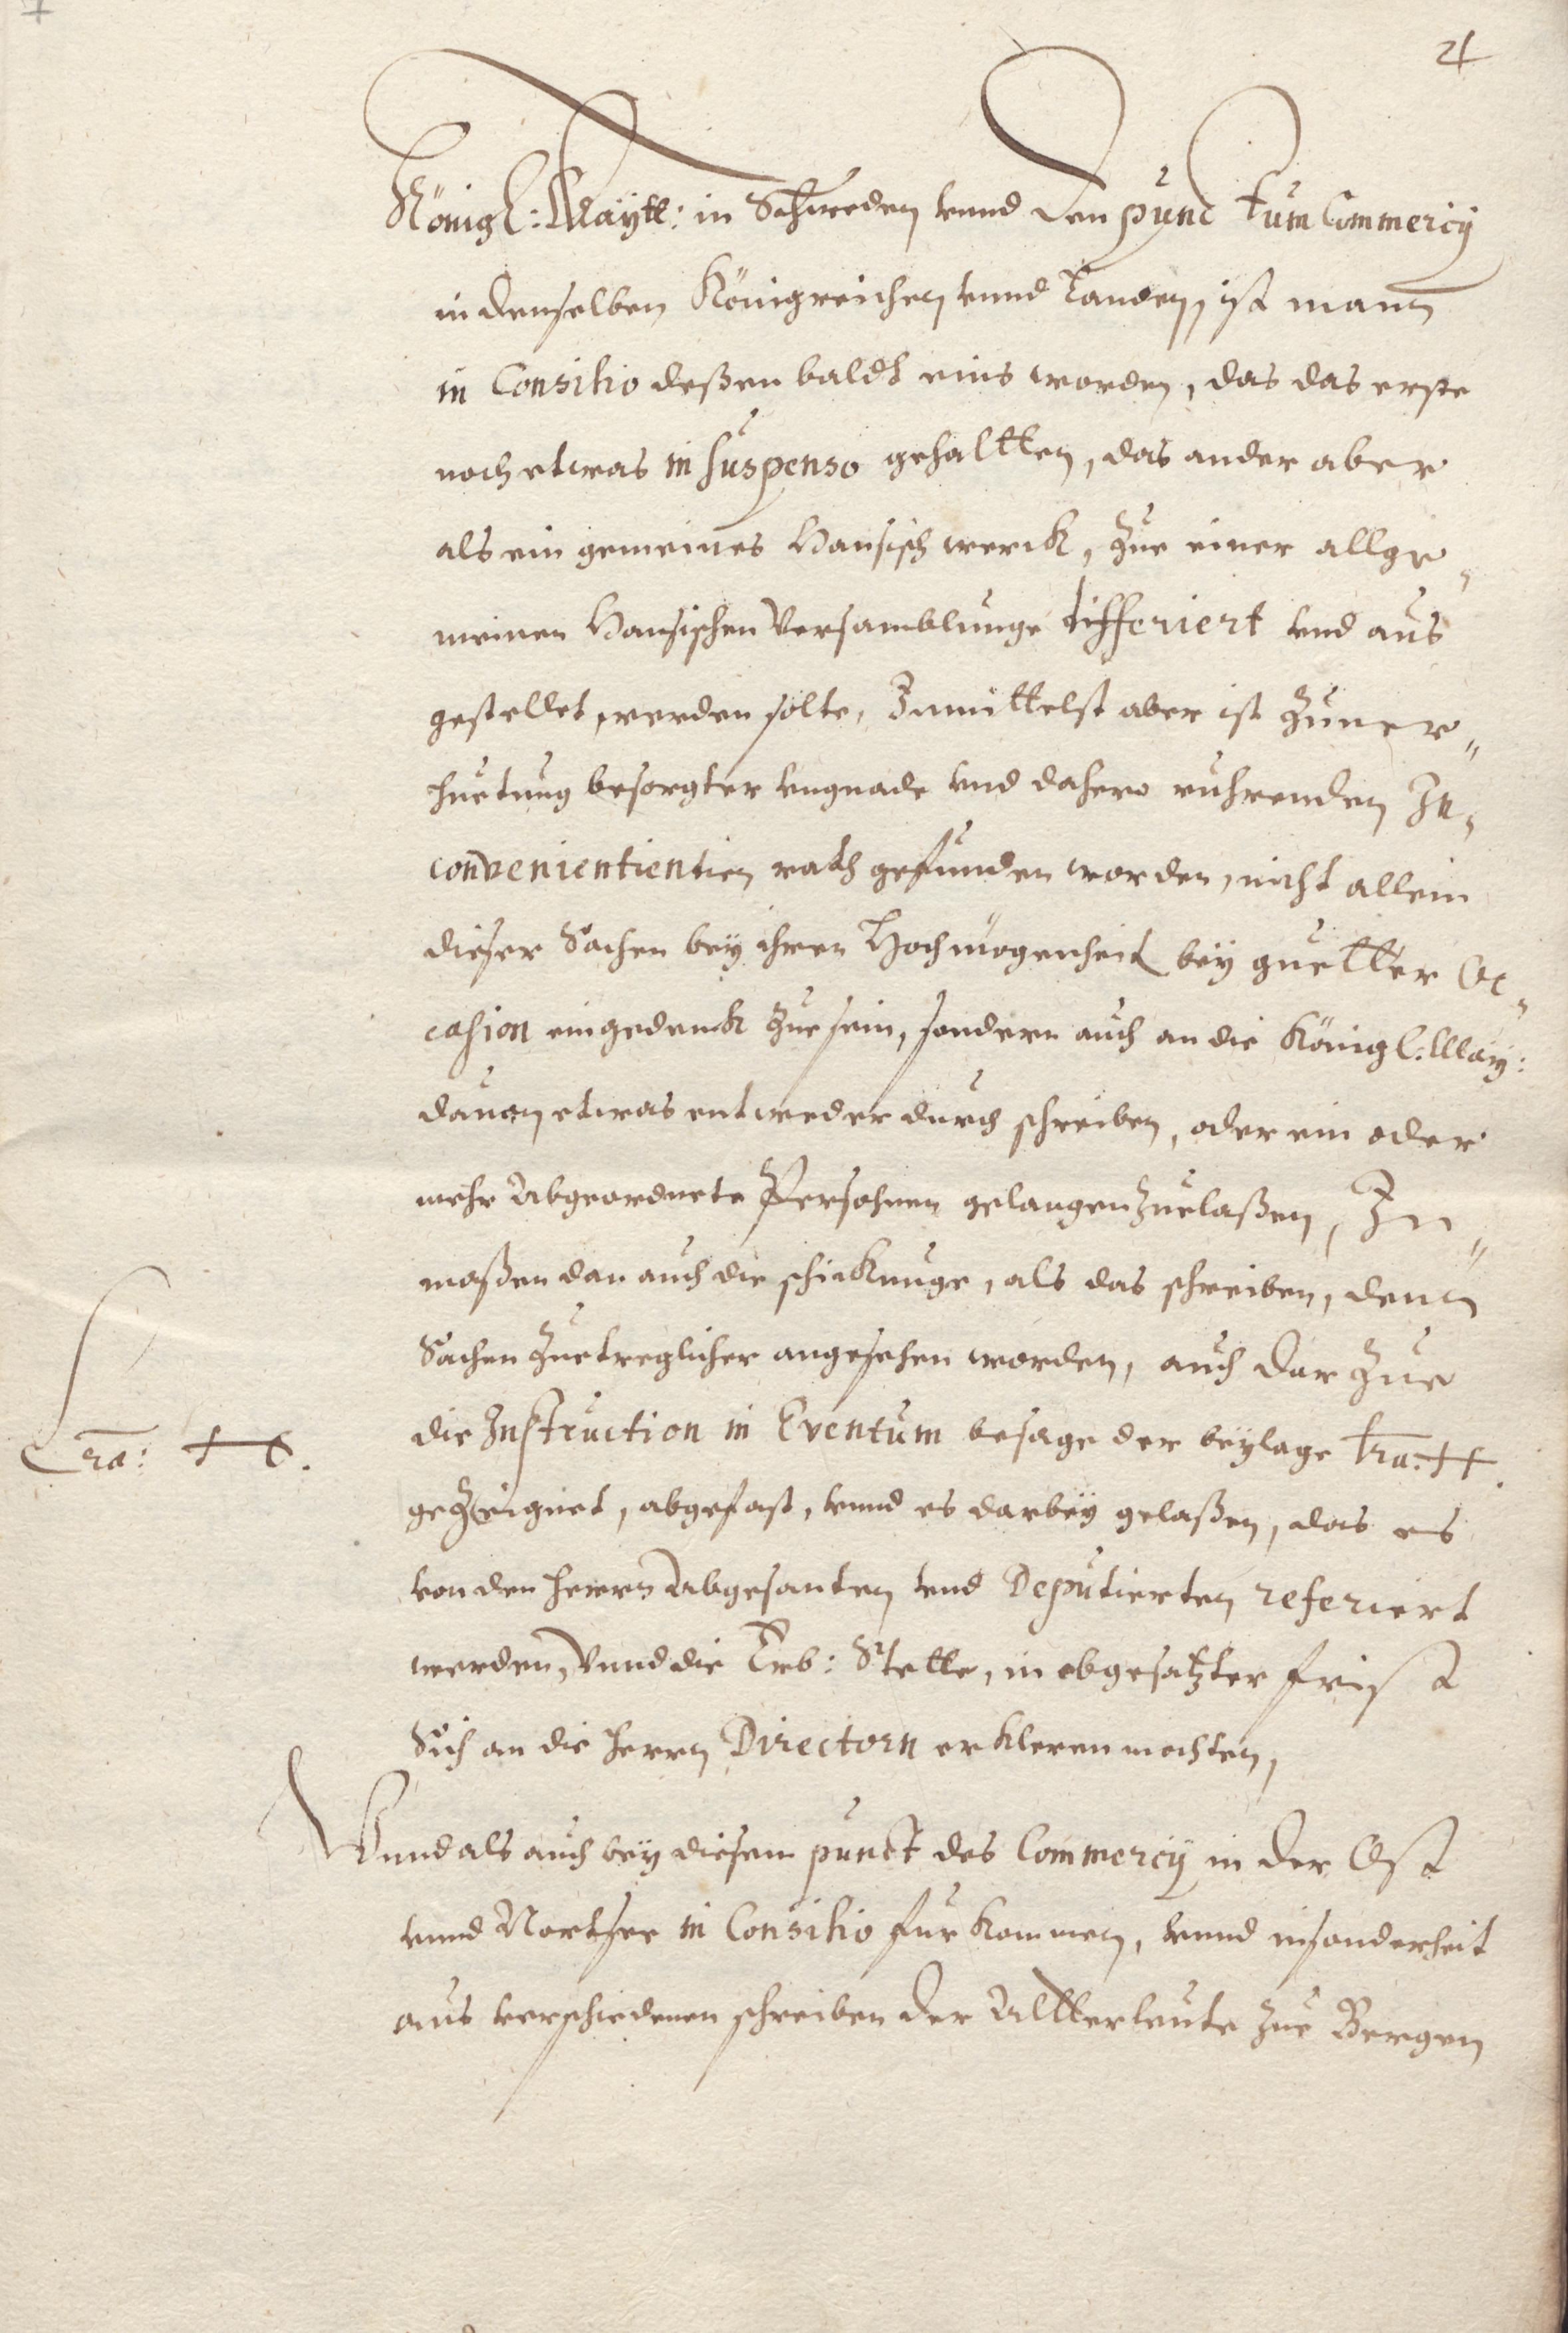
4
Königl: Maijtt: in Schweden vnnd Den punctum Commerij
in denselben Königreichen vnnd Landen, ist mann
in Consilio deßen baldt eins worden, das das erste
noch etwas im Suspenso gehaltten, das ander aber
als ein gemeines Hansisch werck, zue einer allge¬
meinen Hansischen Versamblunge differiert vnd aus
gestellet werden solte, Inmittelst aber ist zuuer¬
huetung besorgter vngnade vnd dahero ruhrenden In¬
convenientien rath gefunden worden, nicht allein
dieser Sachen beij ihren Hochmögenheiten beij guetter oc¬
casion eingedenk zue sein, sondern auch an die Königl. Maij:
dauon etwas entweder durch schreiben, oder ein oder
mehr Abgeordnete Persohnen gelangen zuelaßen, In¬
maßen dan auch die schickunge, als das schreiben, denn
Sachen zuetreglicher angesehen worden, auch der zue
die Instruction in Eventum besage der beijlage littera H.
gezeignet, abgefast, vnnd es darbeij gelaßen, das es
von den herrn Abgesanten vnd Deputierten referiert
werden, Vnnd die Erb: Stette, in obgesetzter frist
Sich an die herrn Directorn erkleren mochten,
Littera H.
Vnnd als auch beij diesem punct des Commercij in der Ost
vnnd Nortsee in Consilio furkommen, vnnd insonderheit
aus verschiedenen schreiben der Altterleute zue Bergen
